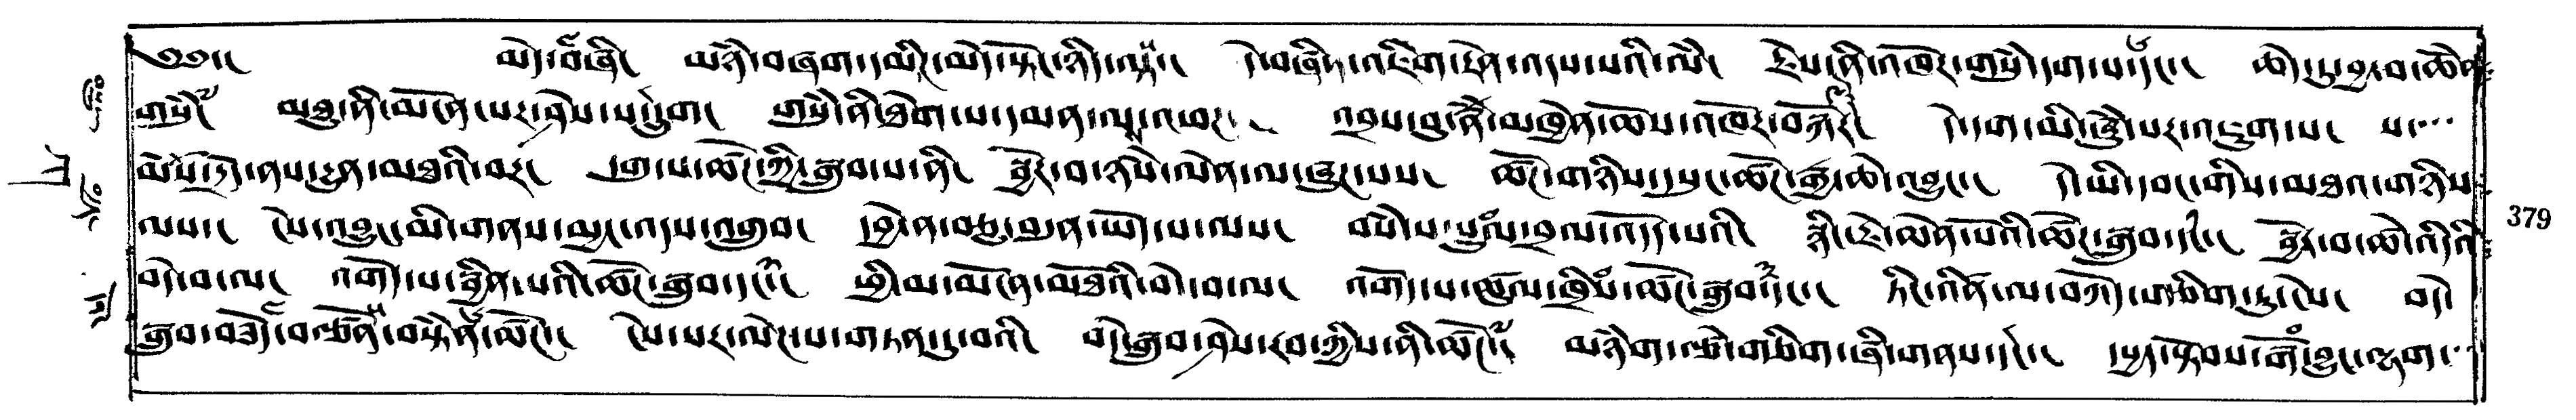མེད་བཞི། །མཉམ་བཞག་དམིགས་མེད་སྟོང་ཉིད་ལྟ། །དེ་བཞིན་འཇིག་རྟེན་འདས་པའི་ལམ། །རྗེས་ནི་འཁོར་གསུམ་དག་པ་དང་། །ཆེད་དུ་བྱ་བ་ཆེན་པོ་
གསུམ། །མཐུ་ནི་མངོན་པར་ཤེས་པ་དྲུག །གསུམ་ནི་ཐེག་པ་དམན་ལས་འཕགས། །འབྲས་བུ་རྣམ་མཁྱེན་ཆོས་འཁོར་བསྐོར། །དེ་དག་མི་ཞུམ་པར་འཇུག་པ། །ས་
མཚམས་དྲོད་ནས་རྒྱུན་མཐའི་བར། །དགུ་པ་ཚོགས་ཀྱི་སྒྲུབ་པ་ནི། །སྦྱོར་བ་ཉམས་ལེན་ལ་ཞུགས་པས། །ཚོགས་གཉིས་དཔུང་ཚོགས་རྒྱ་ཆེ་འབྱུང་། །དེ་ཡི་དབང་གིས་མཐའ་གཉིས་
ལས། །ངེས་འབྱུང་མི་གནས་མྱང་འདས་འགྲུབ། །དབྱེ་ན་བཅུ་བདུན་ཡོད་པ་ལས། །བསམ་པ་སྡུག་བསྔལ་བྲལ་འདོད་པའི། །སྙིང་རྗེ་ཆེན་པོའི་ཚོགས་སྒྲུབ་དང་། །སྦྱོར་བ་ཚེ་འདིའི་
བདེ་བ་ལ། །འགོད་པ་སྦྱིན་པའི་ཚོགས་སྒྲུབ་དང་། །ཕྱི་མ་མངོན་མཐོའི་བདེ་བ་ལ། །འགོད་པ་ཚུལ་ཁྲིམས་ཚོགས་སྒྲུབ་དང་། །ཏིང་འཛིན་ལ་བཀོད་གཅིག་ཏུ་ངེས། །བདེ་
སྒྲུབ་བཟོད་བརྩོན་བསམ་གཏན་ཚོགས། །ངེས་པར་ལེགས་པ་གཏན་དུ་བའི། །བདེ་སྒྲུབ་ཤེས་རབ་ཀྱིས་ནི་ཚོགས། །མཉམ་བཞག་རྩེ་གཅིག་ཞི་གནས་དང་། །དཔྱད་སྟོབས་སྒོམ་བྱུང་ལྷག་